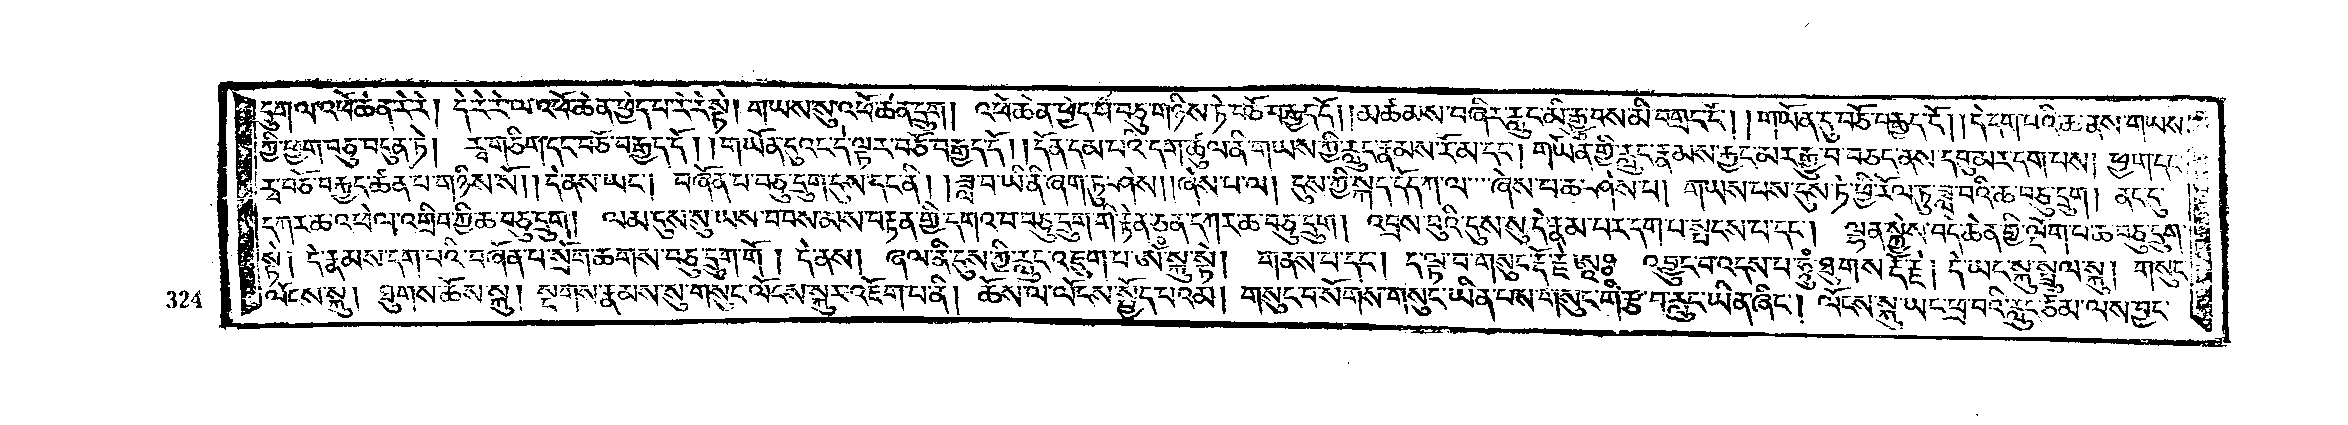དྲུག་ལ་འཕོ་ཆེན་རེ་རེ། དེ་རེ་རེ་ལ་འཕོ་ཆེན་ཕྱེད་པ་རེ་རེ་སྟེ། གཡས་སུ་འཕོ་ཆེན་དྲུག །འཕོ་ཆེན་ཕྱེད་པ་བཅུ་གཉིས་ཏེ་བཅོ་བརྒྱད་དོ། །མཚམས་བཞིར་རླུང་མི་རྒྱུ་བས་མི་བགྲང་ངོ། །གཡོན་དུ་བཅོ་བརྒྱད་དོ། །དེ་དག་པའི་ཆ་ནས་གཡས་
ཀྱི་ཕྱག་བཅུ་བདུན་ཏེ། རྭ་གཅིག་དང་བཅོ་བརྒྱད་དོ། །གཡོན་དུའང་དེ་ལྟར་བཅོ་བརྒྱད་དོ། །དོན་དམ་པའི་དག་ཚུལ་ནི་གཡས་ཀྱི་རླུང་རྣམས་རོ་མ་དང་།གཡོན་གྱི་རླུང་རྣམས་རྐྱང་མར་རྒྱུ་བ་བཅད་ནས་དབུ་མར་དག་པས། ཕྱག་དང་
རྭ་བཅོ་བརྒྱད་ཚན་པ་གཉིས་སོ། །དེ་ནས་ཡང་། བཞོན་པ་བཅུ་དྲུག་དུས་དང་ནི། །ཟླ་བ་ཡི་ནི་ཞག་ཏུ་ཤེས། །ཞེས་པ་ལ། དུས་ཀྱི་སྐད་དོད་ཀ་ལ་ཞེས་པ་ཆ་ཤེས་པ། གཡས་པས་དུས་ཏེ་ཕྱི་རོལ་ཏུ་ཟླ་བའི་ཆ་བཅུ་དྲུག །ནང་དུ་
དཀར་ཆ་འཕེལ་འགྲིབ་ཀྱི་ཆ་བཅུ་དྲུག །ལམ་དུས་སུ་ཡས་བབས་མས་བརྟན་གྱི་དགའ་བ་བཅུ་དྲུག་གི་རྟེན་ཅན་དཀར་ཆ་བཅུ་དྲུག །འབྲས་བུའི་དུས་སུ་དེ་རྣམ་པར་དག་པ་སྤངས་པ་དང་།ལྷན་སྐྱེས་བདེ་ཆེན་གྱི་ལྡོག་པ་ཆ་བཅུ་དྲུག་
སྟེ། དེ་རྣམས་དག་པའི་བཞོན་པ་སྲོག་ཆགས་བཅུ་དྲུག་གོ །དེ་ནས། ཞལ་ནི་དུས་ཀྱི་རླུང་འཇུག་པ་ཨོཾ་སྐུ་སྟེ། གནས་པ་དང་།ད་ལྟ་བ་གསུང་རྡོ་རྗེ་ཨཱཿ འབྱུང་བ་འདས་པ་ཧཱུཾ་ཐུགས་རྡོ་རྗེ། དེ་ཡང་སྐུ་སྤྲུལ་སྐུ། གསུང་
ལོངས་སྐུ། ཐུགས་ཆོས་སྐུ། སྔགས་རྣམས་སུ་གསུང་ལོངས་སྐུར་འཇོག་པ་ནི། ཆོས་ལ་ལོངས་སྤྱོད་པའམ། གསུང་བ་སོགས་གསུང་ཡིན་པས་གསུང་གི་རྩ་བ་རླུང་ཡིན་ཞིང་། ལོངས་སྐུ་ཡང་ཕྲ་བའི་རླུང་ཙམ་ལས་བྱང་